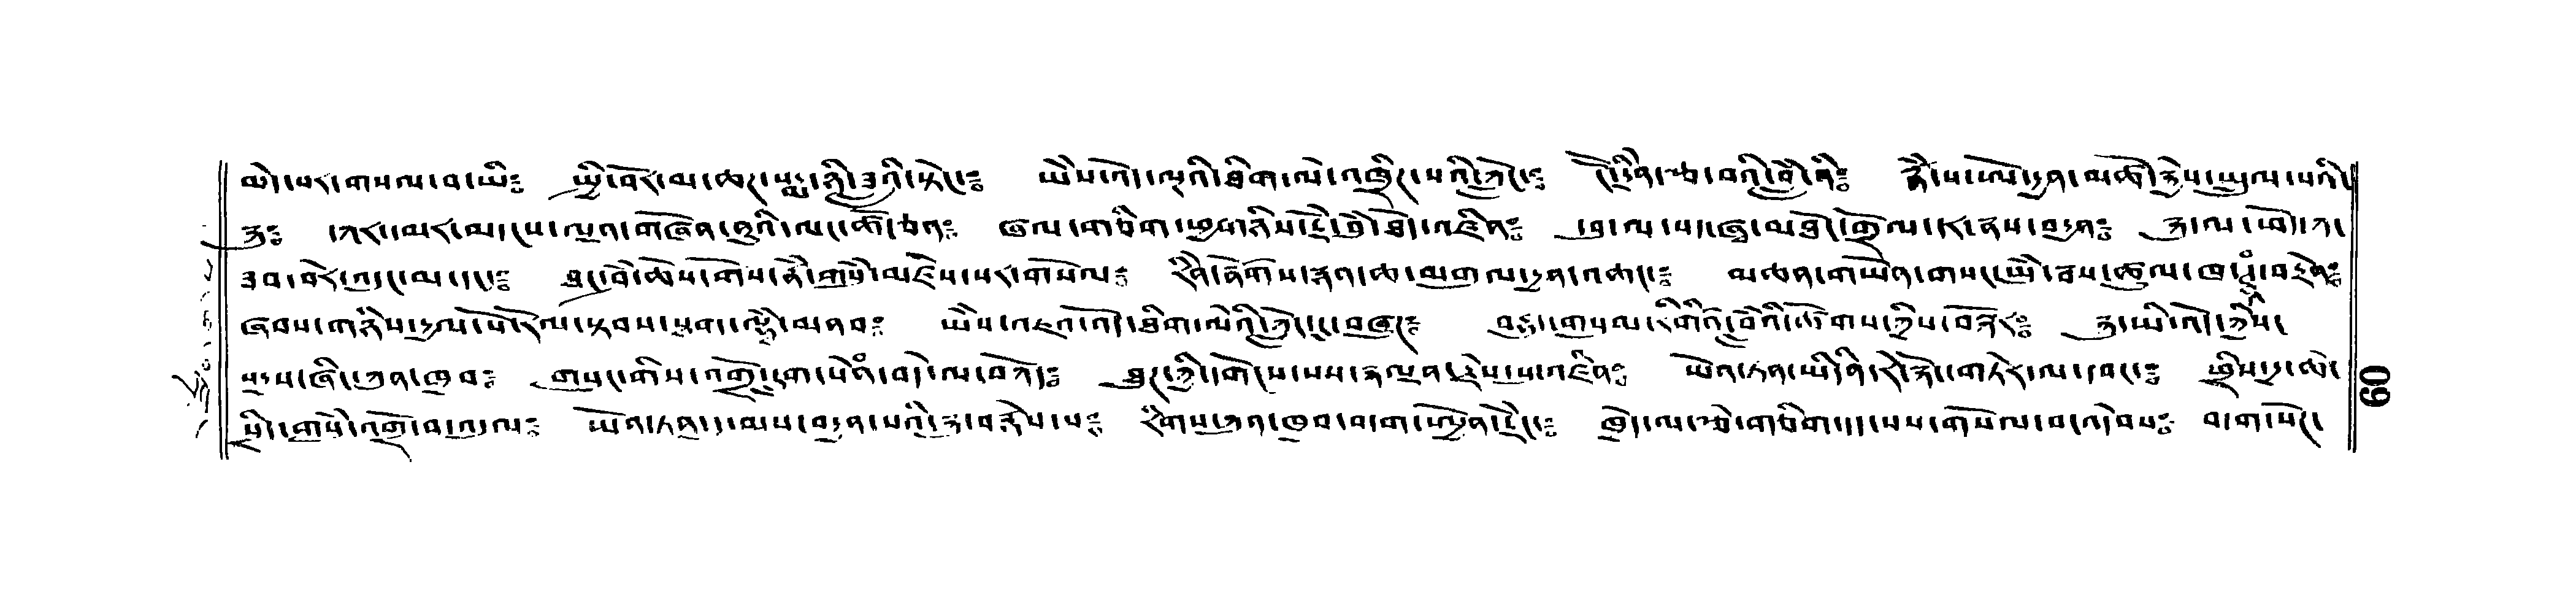མེད་པར་གསལ་བ་ཡི༔ སྤྱི་བོར་མ་ཆགས་པདྨ་ཉི་ཟླའི་སྟེང༔ ཡེ་ཤེས་འོད་ལྔའི་ཐིག་ལེ་འཁྲིགས་པའི་ཀློང༔ ངོ་བོ་དྲིན་ཆེན་རྩ་བའི་བླ་མ་ནི༔ རྣམ་པ་ཨོ་རྒྱན་མཚོ་སྐྱེས་སྤྲུལ་པའི་
སྐུ༔ དཀར་དམར་མདངས་ལྡན་གཞོན་ནུའི་ལང་ཚོ་ཅན༔ ཞལ་གཅིག་ཕྱག་གཉིས་རྡོ་རྗེ་བུམ་ཐོད་འཛིན༔ དབུ་ལ་པད་ཞྭ་མཐོང་གྲོལ་དར་སྣས་བརྒྱན༔ སྐུ་ལ་ཕོད་ཀ་
ཟབ་བེར་འདུང་མ་དང༔ཐང་ཤམ་ཆོས་གོས་རྣམ་གསུམ་མཛེས་པར་གསོལ༔ རིན་ཆེན་སྣ་ཚོགས་སྙན་ཆ་མགུལ་རྒྱན་འཆང༔ མཆན་གཡོན་གསང་ཡུམ་སྦས་ཚུལ་ཁ་ཊྭཱཾ་བརྟེན༔ 
ཞབས་གཉིས་རྒྱལ་པོ་རོལ་སྟབས་སག་ལྷམ་མནབས༔ ཡེ་ཤེས་འཇའ་འོད་ཐིག་ལེའི་ཀློང་དུ་བཞུགས༔ བརྒྱུད་གསུམ་རིག་འཛིན་བླ་མའི་ཚོགས་ཀྱིས་བསྐོར༔ སྐུ་ཡི་འོད་ཀྱིས་
སངས་རྒྱས་ཞིང་ཀུན་ཁྱབ༔ གསུང་གིས་འགྲོ་དྲུག་སེམས་ཅན་བདེ་ལ་བཀོད༔ ཐུགས་ཀྱི་དགོངས་པས་སྐལ་ལྡན་རྗེས་སུ་འཛིན༔ ཡོན་ཏན་ཡིད་བཞིན་རེ་སྐོང་གཏེར་ལ་དབང༔ ཕྲིན་ལས་རྒྱ་ཆེ་
སྲིད་གསུམ་འགྲོ་བ་འདུལ༔ ཡོན་ཏན་དུ་མས་བརྒྱན་པའི་སྐུ་བརྙེས་པ༔ རིགས་ཀུན་ཁྱབ་བདག་ཨོ་རྒྱན་རྡོ་རྗེ་དང༔ ཁྱེད་ལ་རྩེ་གཅིག་དད་པས་གསོལ་བ་འདེབས༔ བདག་སོགས་